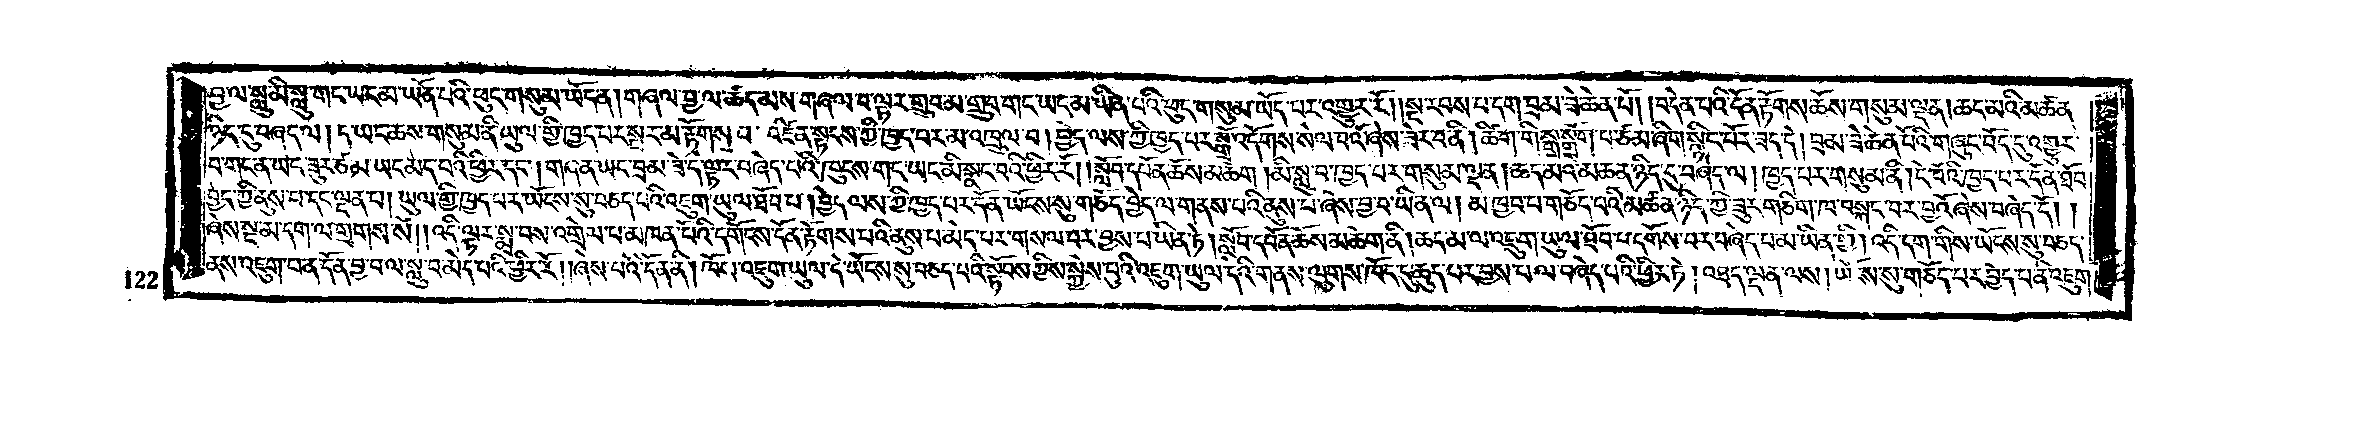བྱ་ལ་སླུ་མི་སླུ་གང་ཡང་མ་ཡིན་པའི་ཕུང་གསུམ་ཡོད་ན། གཞལ་བྱ་ལ་ཚད་མས་གཞལ་བ་ལྟར་གྲུབ་མ་གྲུབ་གང་ཡང་མ་ཡིན་པའི་ཕུང་གསུམ་ཡོད་པར་འགྱུར་རོ། །སྔ་རབས་པ་དག་བྲམ་ཟེ་ཆེན་པོ། །བདེན་པའི་དོན་རྟོགས་ཆོས་གསུམ་ལྡན་ཚད་མའི་མཚན་
ཉིད་དུ་བཞད་ལ། ད་ཡང་ཆས་གསུམ་ནི་ཡུལ་གྱི་ཁྱད་པར་སྔར་མ་རྟོགས་པ་འཛིན་སྟངས་ཀྱི་ཁྱད་པར་མ་འཁྲུལ་བ། བྱེད་ལས་ཀྱི་ཁྱད་པར་སྒྲོ་འདོགས་སེལ་བའོ་ཞེས་ཟེར་བ་ནི། ཚིག་གི་སྒྲ་སྒྲོག་པ་ཙམ་ཞིག་སྙིང་པོར་ཟད་དེ། བྲམ་ཟེ་ཆེན་པོའི་གཞུང་འོད་དུ་འགྱུར་
བ་གང་ན་ཡང་ཟུར་ཙམ་ཡང་མེད་པའི་ཕྱིར་དང་། གཞན་ཡང་བྲམ་ཟེ་དེ་ལྟར་བཞེད་པའི་ཁུངས་གང་ཡང་མི་སྣང་བའི་ཕྱིར་རོ། །སློབ་དཔོན་ཆོས་མཆོག། མི་སླུ་བ་ཁྱད་པར་གསུམ་ལྡན། ཚད་མའི་མཚན་ཉིད་དུ་བཞེད་ལ། ཁྱད་པར་གསུམ་ནི། ངེ་བོའི་ཁྱད་པར་དོན་ཐོབ་
བྱད་ཀྱི་ནུས་པ་དང་ལྡན་པ། ཡུལ་གྱི་ཁྱད་པར་ཡོངས་སུ་བཅད་པའི་འཇུག་ཡུལ་ཐོབ་པ། བྱེད་ལས་ཀྱི་ཁྱད་པར་དོན་ཡོངས་སུ་གཅོད་བྱེད་ལ་གནས་པའི་ནུས་པ་ཞེས་བྱ་བ་ཡིན་ལ། མ་ཁྱབ་པ་གཅོད་པའི་མཚན་ཉིད་ཀྱི་ཟུར་གཅིག་ཁ་བསྐང་བར་བྱའོ་ཞེས་བཞེད་དོ།
ཞེས་སྔ་མ་དག་ལ་གྲགས་སོ། །འདི་ལྟར་སྨྲ་བས་འགྲེལ་པ་མཁན་པོའི་དགོངས་དོན་རྟོགས་པའི་ནུས་པ་མེད་པར་གསལ་བར་བྱས་པ་ཡིན་ཏེ། སློབ་དཔོན་ཆོས་མཆོག་ནི། ཆད་མ་ལ་འཇུག་ཡུལ་ཐོབ་པ་དགོས་པར་བཞེད་པ་མ་ཡིན་གྱི། འདི་དག་གིས་ཡོངས་སུ་བཅད་
ནས་འཇུག་པ་ན་དོན་བྱ་བ་ལ་སླུ་བ་མེད་པའི་ཕྱིར་རོ། །ཞེས་པའི་དོན་ནི། ཁོས་འཇུག་ཡུལ་དེ་ཡོངས་སུ་བཅད་པའི་སྟོབས་ཀྱིས་སྐྱེས་བུའི་འཇུག་ཡུལ་དེའི་གནས་ལུགས་ཁོང་དུ་ཆུད་པར་བྱས་པ་ལ་བཞེད་པའི་ཕྱིར་ཏེ། འཐད་ལྡན་ལས། ཡོངས་སུ་གཅོད་པར་བྱེད་པ་ནི་འཇུག།